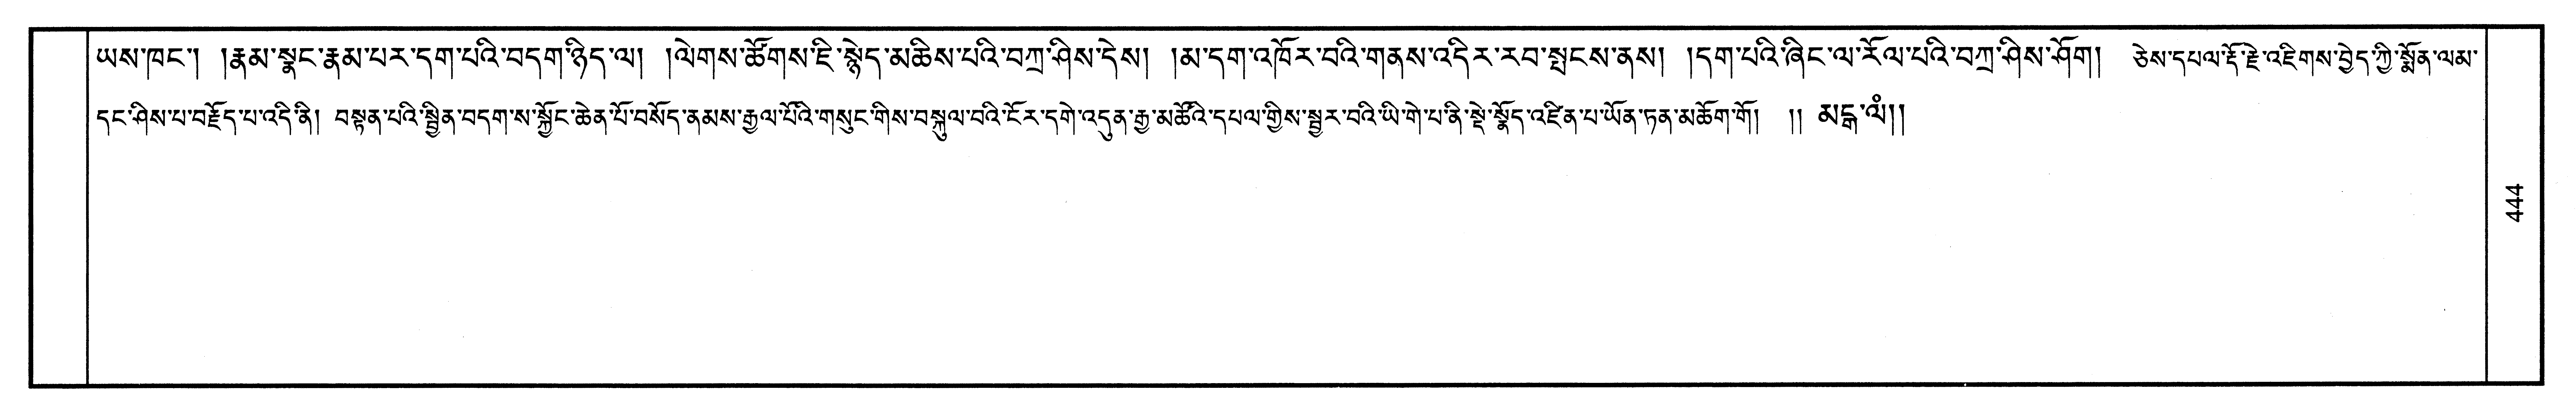ཡས་ཁང་། །རྣམ་སྣང་རྣམ་པར་དག་པའི་བདག་ཉིད་ལ། །ལེགས་ཚོགས་ཇི་སྙེད་མཆིས་པའི་བཀྲ་ཤིས་དེས། །མ་དག་འཁོར་བའི་གནས་འདིར་རབ་སྤངས་ནས། །དག་པའི་ཞིང་ལ་རོལ་པའི་བཀྲ་ཤིས་ཤོག །ཅེས་དཔལ་རྡོ་རྗེ་འཇིགས་བྱེད་ཀྱི་སྨོན་ལམ་
དང་ཤིས་པ་བརྗོད་པ་འདི་ནི། བསྟན་པའི་སྦྱིན་བདག་ས་སྐྱོང་ཆེན་པོ་བསོད་ནམས་རྒྱལ་པོའི་གསུང་གིས་བསྐུལ་བའི་ངོར་དགེ་འདུན་རྒྱ་མཚོའི་དཔལ་གྱིས་སྦྱར་བའི་ཡི་གེ་པ་ནི་སྡེ་སྣོད་འཛིན་པ་ཡོན་ཏན་མཆོག་གོ། །། མངྒ་ལཾ།